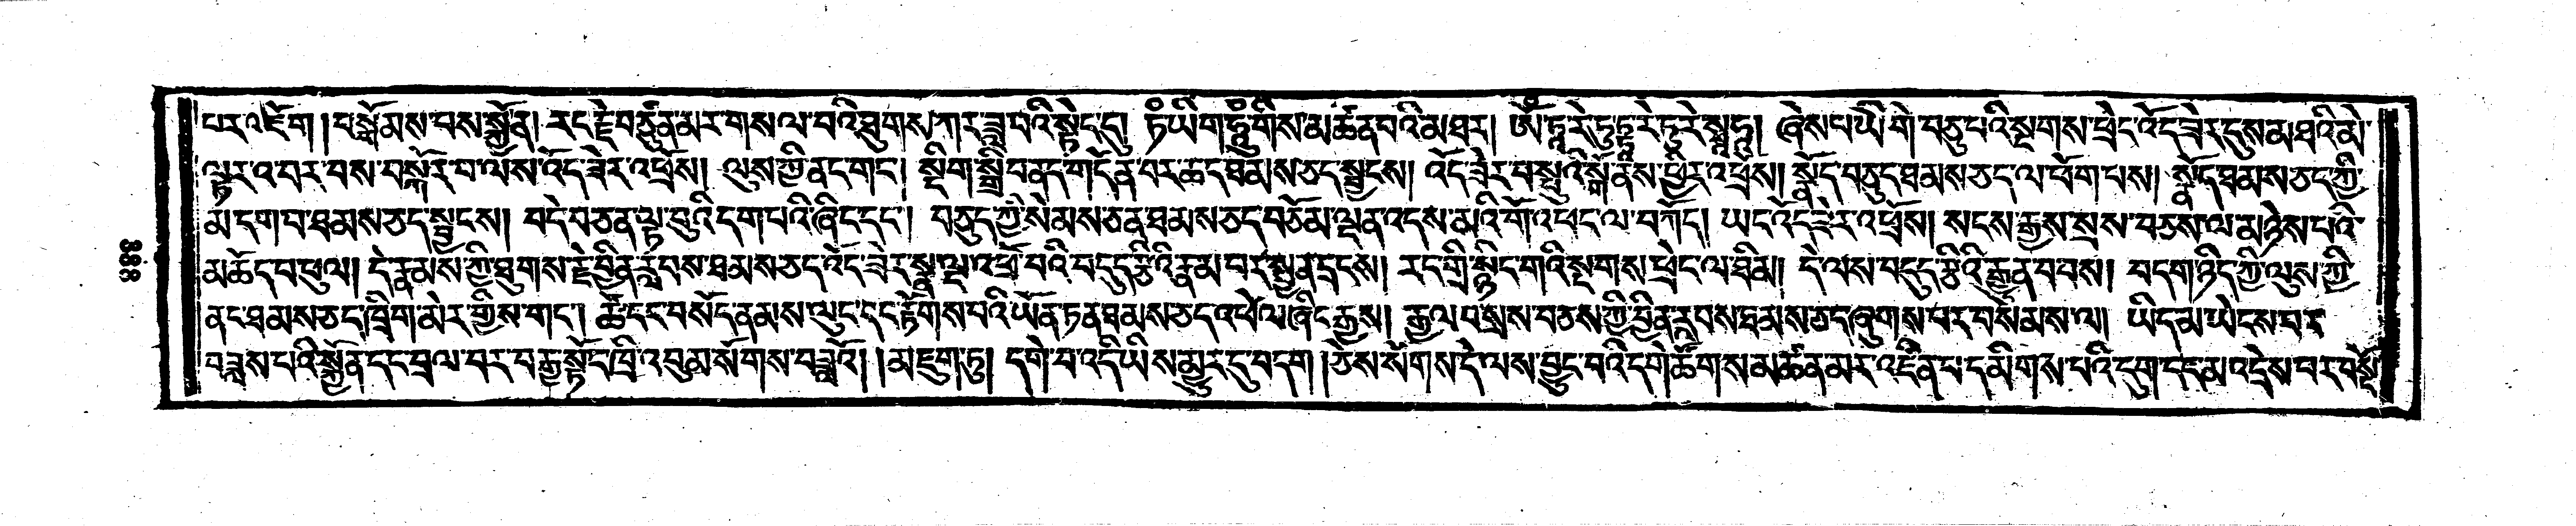པར་འཇོག །བསྒོམས་པས་སྐྱོ་ན། རང་རྗེ་བཙུན་མར་གསལ་བའི་ཐུགས་ཀར་ཟླ་བའི་སྟེང་དུ། ཏཾ་ཡིག་ཧཱུཾ་གིས་མཚན་པའི་མཐར། ཨོཾ་ཏཱ་རེ་ཏུ་ཏྟཱ་རེ་ཏུ་རེ་སྭཱཧཱ། ཞེས་པ་ཡི་གེ་བཅུ་པའི་སྔགས་ཕྲེང་འོད་ཟེར་དུས་མཐའི་མེ་
ལྟར་འབར་བས་བསྐོར་བ་ལས་འོད་ཟེར་འཕྲོས། ལུས་ཀྱི་ནང་གང་། སྡིག་སྒྲིབ་ནད་གདོན་བར་ཆད་ཐམས་ཅད་སྦྱངས། འོད་ཟེར་བ་སྤུའི་སྒོ་ནས་ཕྱིར་འཕྲོས། སྣོད་བཅུད་ཐམས་ཅད་ལ་ཕོག་པས། སྣོད་ཐམས་ཅད་ཀྱི་
མ་དག་པ་ཐམས་ཅད་སྦྱངས། བདེ་བ་ཅན་ལྟ་བུའི་དག་པའི་ཞིང་དང་། བཅུད་ཀྱི་སེམས་ཅན་ཐམས་ཅད་བཅོམ་ལྡན་འདས་མའི་གོ་འཕང་ལ་བཀོད། ཡང་འོད་ཟེར་འཕྲོས། སངས་རྒྱས་སྲས་བཅས་ལ་མཉེས་པའི་
མཆོད་པ་ཕུལ། དེ་རྣམས་ཀྱི་ཐུགས་རྗེ་བྱིན་རླབས་ཐམས་ཅད་འོད་ཟེར་སྣ་ལྔ་འཕྲོ་བའི་བདུད་རྩིའི་རྣམ་པར་སྤྱན་དྲངས། རང་གི་སྙིང་གའི་སྔགས་ཕྲེང་ལ་ཐིམ། དེ་ལས་བདུད་རྩིའི་རྒྱུན་བབས། བདག་ཉིད་ཀྱི་ལུས་ཀྱི་
ནང་ཐམས་ཅད་ཁྲིག་མེར་གྱིས་གང་། ཚེ་དང་བསོད་ནམས་ལུང་དང་རྟོགས་པའི་ཡོན་ཏན་ཐམས་ཅད་འཕེལ་ཞིང་རྒྱས། རྒྱལ་བ་སྲས་བཅས་ཀྱི་བྱིན་རླབས་ཐམས་ཅད་ཞུགས་པར་བསམས་ལ། ཡིད་མ་ཡེངས་པར་
བཟླས་པའི་སྐྱོན་དང་བྲལ་བར་བརྒྱ་སྟོང་ཁྲི་འབུམ་སོགས་བཟླའོ། །མཇུག་ཏུ། དགེ་བ་འདི་ཡིས་མྱུར་དུ་བདག །ཅེས་སོགས་དེ་ལས་བྱུང་བའི་དགེ་ཚོགས་མཚན་མར་འཛིན་པ་དམིགས་པའི་དུག་དང་མ་འདྲེས་པར་བསྔོ་